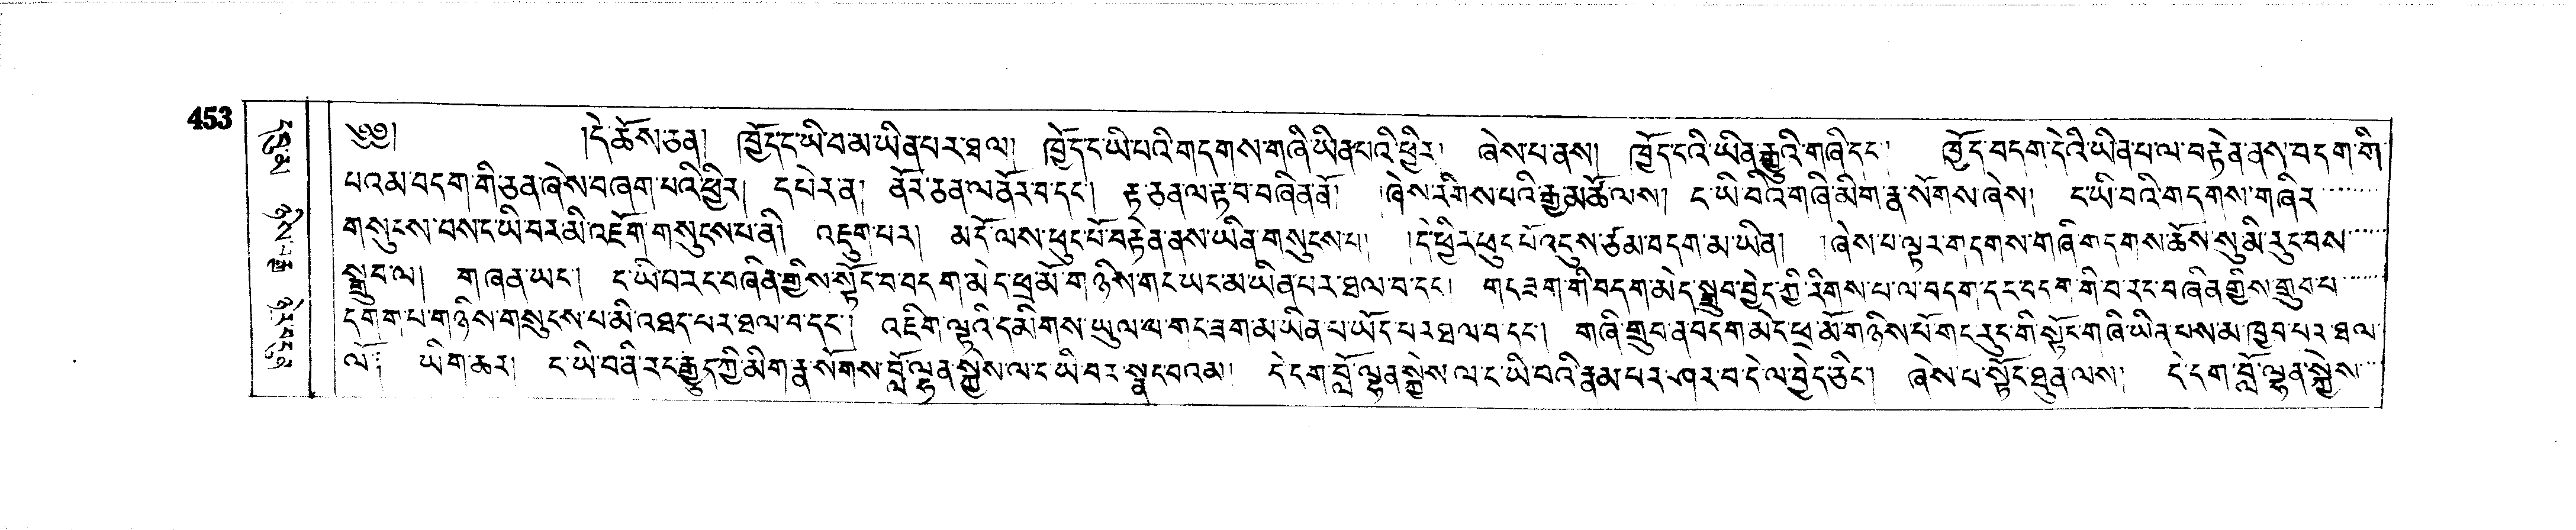༄༅། །དེ་ཆོས་ཅན། ཁྱོད་ང་ཡི་བ་མ་ཡིན་པར་ཐལ། ཁྱོད་ང་ཡི་པའི་གདགས་གཞི་ཡིན་པའི་ཕྱིར། ཞེས་པ་ནས། ཁྱོད་ངའི་ཡིན་རྒྱུའི་གཞི་དང་། ཁྱོད་བདག་དེའི་ཡིན་པ་ལ་བརྟེན་ནས་བདག་གི་
པའམ་བདག་གི་ཅན་ཞེས་བཞག་པའི་ཕྱིར། དཔེར་ན། ནོར་ཅན་ལ་ནོར་བ་དང་། རྟ་ཅན་ལ་རྟ་བ་བཞིན་ནོ། །ཞེས་རིགས་པའི་རྒྱ་མཚོ་ལས། ང་ཡི་བའི་གཞི་མིག་རྣ་སོགས་ཞེས། ང་ཡི་བའི་གདགས་གཞིར་
གསུངས་བས་ང་ཡི་བར་མི་འཇོག་གསུངས་པ་ནི། འཇུག་པར། མདོ་ལས་ཕུང་པོ་བརྟེན་ནས་ཡིན་གསུངས་པ། །དེ་ཕྱིར་ཕུང་པོ་འདུས་ཙམ་བདག་མ་ཡིན། །ཞེས་པ་ལྟར་གདགས་གཞི་གདགས་ཆོས་སུ་མི་རུང་བས་
སྒྲུབ་ལ། གཞན་ཡང་། ང་ཡི་བ་རང་བཞིན་གྱིས་སྟོང་བ་བདག་མེད་ཕྲ་མོ་གཉིས་གང་ཡང་མ་ཡིན་པར་ཐལ་བ་དང་། གང་ཟག་གི་བདག་མེད་སྒྲུབ་བྱེད་ཀྱི་རིགས་པ་ལ་བདག་དང་བདག་གི་བ་རང་བཞིན་གྱིས་གྲུབ་པ་
དགག་པ་གཉིས་གསུངས་པ་མི་འཐད་པར་ཐལ་བ་དང་། འཇིག་ལྟའི་དམིགས་ཡུལ་ལ་གང་ཟག་མ་ཡིན་པ་ཡོད་པར་ཐལ་བ་དང་། གཞི་གྲུབ་ན་བདག་མེད་ཕྲ་མོ་གཉིས་པོ་གང་རུང་གི་སྟོང་གཞི་ཡིན་པས་མ་ཁྱབ་པར་ཐལ་
ལོ། ཡིག་ཆར། ང་ཡི་བ་ནི་རང་རྒྱུད་ཀྱི་མིག་རྣ་སོགས་བློ་ལྷན་སྐྱེས་ལ་ང་ཡི་བར་སྣང་བའམ། དེ་དག་བློ་ལྷན་སྐྱེས་ལ་ང་ཡི་བའི་རྣམ་པར་ཤར་བ་དེ་ལ་བྱེད་ཅིང་། ཞེས་པ་སྟོང་ཐུན་ལས། དེ་དག་བློ་ལྷན་སྐྱེས་